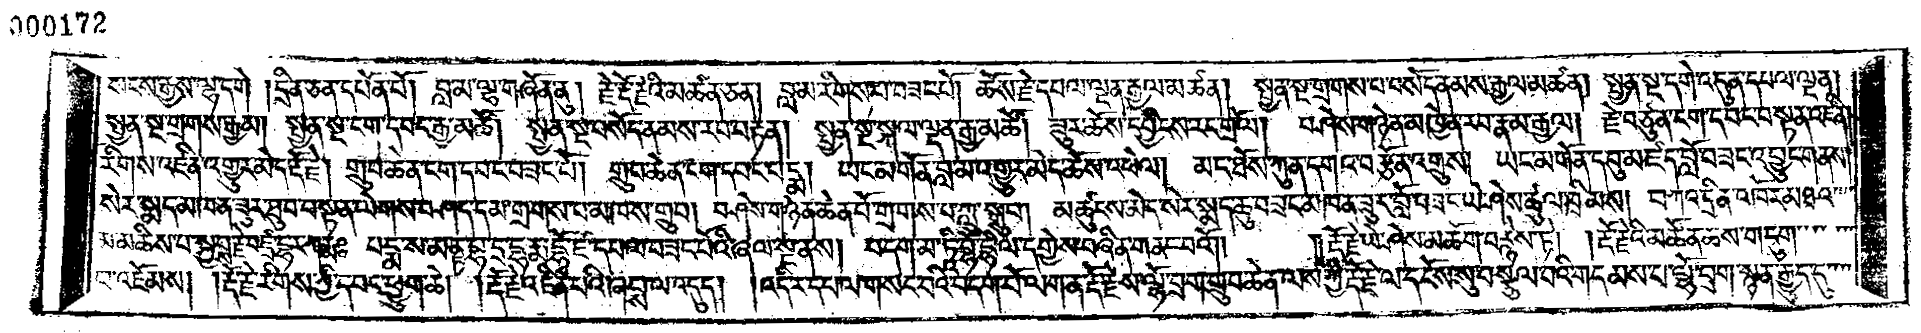སངས་རྒྱས་ལྷ་དགེ །དྲིན་ཅན་དཔོན་པོ། བླ་མ་ལྷ་གཞོན་ནུ། རྗེ་རྡོ་རྗེའི་མཚན་ཅན། བླ་མ་རིགས་པ་བཟང་པོ། ཆོས་རྗེ་དཔལ་ལྡན་རྒྱལ་མཚན། སྤྱན་སྔ་གྲགས་པ་བསོད་ནམས་རྒྱལ་མཚན། སྤྱན་སྔ་དགེ་འདུན་དཔལ་ལྡན།
སྤྱན་སྔ་གྲགས་རྒྱམ། སྤྱན་སྔ་ངག་དབང་རྒྱ་མཚོ། སྤྱན་སྔ་བསོད་ནམས་རབ་བརྟན། སྤྱན་སྔ་སྐལ་ལྡན་རྒྱ་མཚོ། ཟུར་ཆོས་དབྱིངས་རང་གྲོལ། བཤེས་གཉེན་མཁྱེན་རབ་རྣམ་རྒྱལ། རྗེ་བཙུན་ངག་དབང་བསྟན་འཛིན་
རིགས་འཛིན་འགྱུར་མེད་རྡོ་རྗེ། གྲུབ་ཆེན་ངག་དབང་བཟང་པོ། གྲུབ་ཆེན་ངག་དབང་པདམ། ཡང་མགོན་བླ་མ་འགྱུར་མེད་ཆོས་འཕེལ། མང་ཐོས་ཀུན་དགའ་བརྩོན་འགྲུས། ཡང་མགོན་དབུ་མཛད་བློ་བཟང་འབྱུང་གནས་
སེར་སྨད་མཁན་ཟུར་ཐུབ་བསྟན་ལེགས་བཤད་དམ་གྲགས་པ་མཁས་གྲུབ། བཤེས་གཉེན་ཆེན་པོ་གྲགས་པ་ཀླུ་སྒྲུབ། མཚུངས་མེད་སེར་སྨད་ཆུ་བཟང་མཁན་ཟུར་བློ་བཟང་ཡེ་ཤེས་ཚུལ་ཁྲིམས། བཀའ་དྲིན་འཁོར་མཐའ་
མ་མཆིས་པ་སྐྱབས་རྗེ་བཛྲ་དྷར་ཀརྨཿ པདམ་ས་མནྟ་བྷ་དྲ་དྷརྨ་དྷྭོ་ཛ་དཔལ་བཟང་པོའི་ཞལ་སྔ་ནས། བདག་མ་ཏཱི་བྷོ་དྷི་ལ་དགྱེས་བཞིན་གནང་བའོ།། །།རྡོ་རྗེ་ཡེ་ཤེས་མཆོག་བརྙེས་ཏེ། །རྡོ་རྗེའི་མཚོན་ཆས་གདུག་
བ་འཇོམས། །རྡོ་རྗེ་རིགས་ཀྱི་དབང་ཕྱུག་ཆེ། །རྡོ་རྗེ་འཛིན་པའི་ཞབས་ལ་འདུད། །འདིར་དཔལ་གསང་བའི་བདག་པོ་ལག་ན་རྡོ་རྗེས་ལྷོ་བྲག་གྲུབ་ཆེན་ལས་ཀྱི་རྡོ་རྗེ་ལ་དངོས་སུ་བསྩལ་བའི་གདམས་པ་ལྷོ་བྲག་སྙན་རྒྱུད་དུ་